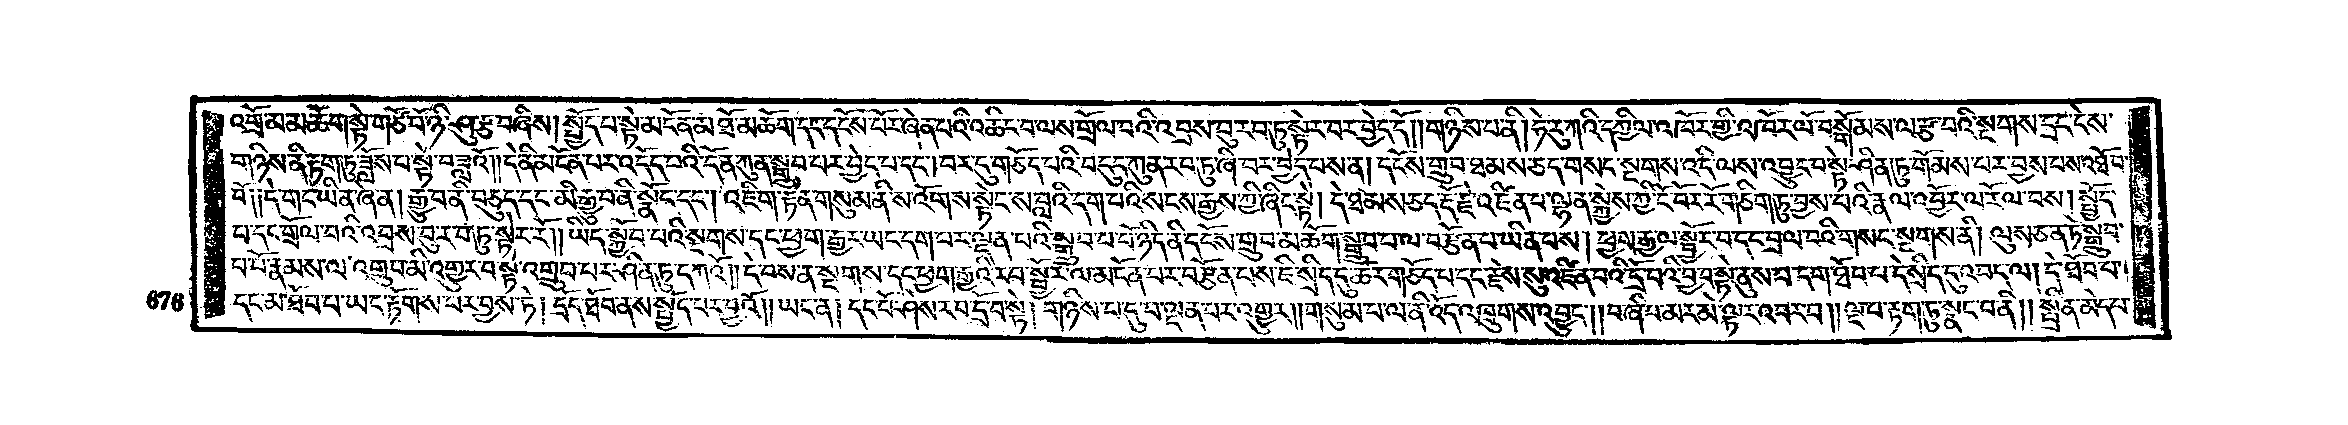འགྲོ་མ་མཆོག་སྟེ་གཙོ་བོ་ཉི་ཤུ་རྩ་བཞིས། སྤྱོད་པ་སྟེ་མངོན་མཐོ་མཆོག་དང་དངོས་པོར་ཞེན་པའི་འཆིང་བ་ལས་གྲོལ་བའི་འབྲས་བུ་རབ་ཏུ་སྟེར་བར་བྱེད་དོ། །གཉིས་པ་ནི། ཧེ་རུ་ཀའི་དཀྱིལ་འཁོར་གྱི་འཁོར་ལོ་བསྒོམས་ལ་རྩ་བའི་སྔགས་དྲང་ངེས་
གཉིས་ནི་རྟག་ཏུ་ཟློས་པ་སྟེ་བཟླའོ། །དེ་ནི་མངོན་པར་འདོད་པའི་དོན་ཀུན་སྒྲུབ་པར་བྱེད་པ་དང་། བར་དུ་གཅོད་པའི་བདུད་ཀུན་རབ་ཏུ་ཞི་བར་བྱེད་པས་ན། དངོས་གྲུབ་ཐམས་ཅད་གསང་སྔགས་འདི་ལས་འབྱུང་བ་སྟེ་ཤིན་ཏུ་གོམས་པར་བྱས་པས་འཐོབ་
བོ། །དེ་གང་ཡིན་ཞེ་ན། རྒྱུ་བ་ནི་བཅུད་དང་མི་རྒྱུ་བ་ནི་སྣོད་དང་། འཇིག་རྟེན་གསུམ་ནི་ས་འོག་ས་སྟེང་ས་བླའི་དག་པའི་སངས་རྒྱས་ཀྱི་ཞིང་སྟེ། དེ་ཐམས་ཅད་རྡོ་རྗེ་འཛིན་པ་ལྷན་སྐྱེས་ཀྱི་ངོ་བོར་རོ་གཅིག་ཏུ་བྱས་པའི་རྣལ་འབྱོར་ལ་རོལ་བས། སྤྱོད་
པ་དང་གྲོལ་བའི་འབྲས་བུ་རབ་ཏུ་སྟེར་རོ། །ཡིད་སྐྱོབ་པའི་སྔགས་དང་ཕྱག་རྒྱར་ཡང་དག་པར་ལྡན་པའི་སྒྲུབ་པ་པོ་ཉིད་ནི་དངོས་གྲུབ་མཆོག་སྒྲུབ་པ་ལ་བརྩོན་པ་ཡིན་པས། ཕྱག་རྒྱ་ལ་སྦྱོར་བ་དང་བྲལ་བའི་གསང་སྔགས་ནི། ལུས་ཅན་ཏེ་སྒྲུབ་
པ་པོ་རྣམས་ལ་འགྲུབ་མི་འགྱུར་བ་སྟེ་འགྲུབ་པར་ཤིན་ཏུ་དཀའོ། །དེ་བས་ན་སྔགས་དང་ཕྱག་རྒྱའི་རབ་སྦྱོར་ལ་མངོན་པར་བརྩོན་པས་ཇི་སྲིད་དུ་ཚར་གཅོད་པ་དང་རྗེས་སུ་འཛིན་པའི་དྲོ་བའི་བྱ་བ་སྟེ་ནུས་པ་དག་ཐོབ་པ་དེ་སྲིད་དུ་འབད་ལ། དེ་ཐོབ་པ་
དང་མ་ཐོབ་པ་ཡང་རྟོགས་པར་བྱས་ཏེ། དྲོད་ཐོབ་ནས་སྤྱོད་པར་བྱའོ། །ཡང་ན། དང་པོ་ཤེས་རབ་དྲོ་བ་སྟེ། གཉིས་པ་དུ་བ་ལྡན་པར་འགྱུར། །གསུམ་པ་ལ་ནི་འོད་འཁྲུགས་འབྱུང་། །བཞི་པ་མར་མེ་ལྟར་འབར་བ། །ལྔ་པ་རྟག་ཏུ་སྣང་བ་ནི། །སྤྲིན་མེད་པ་